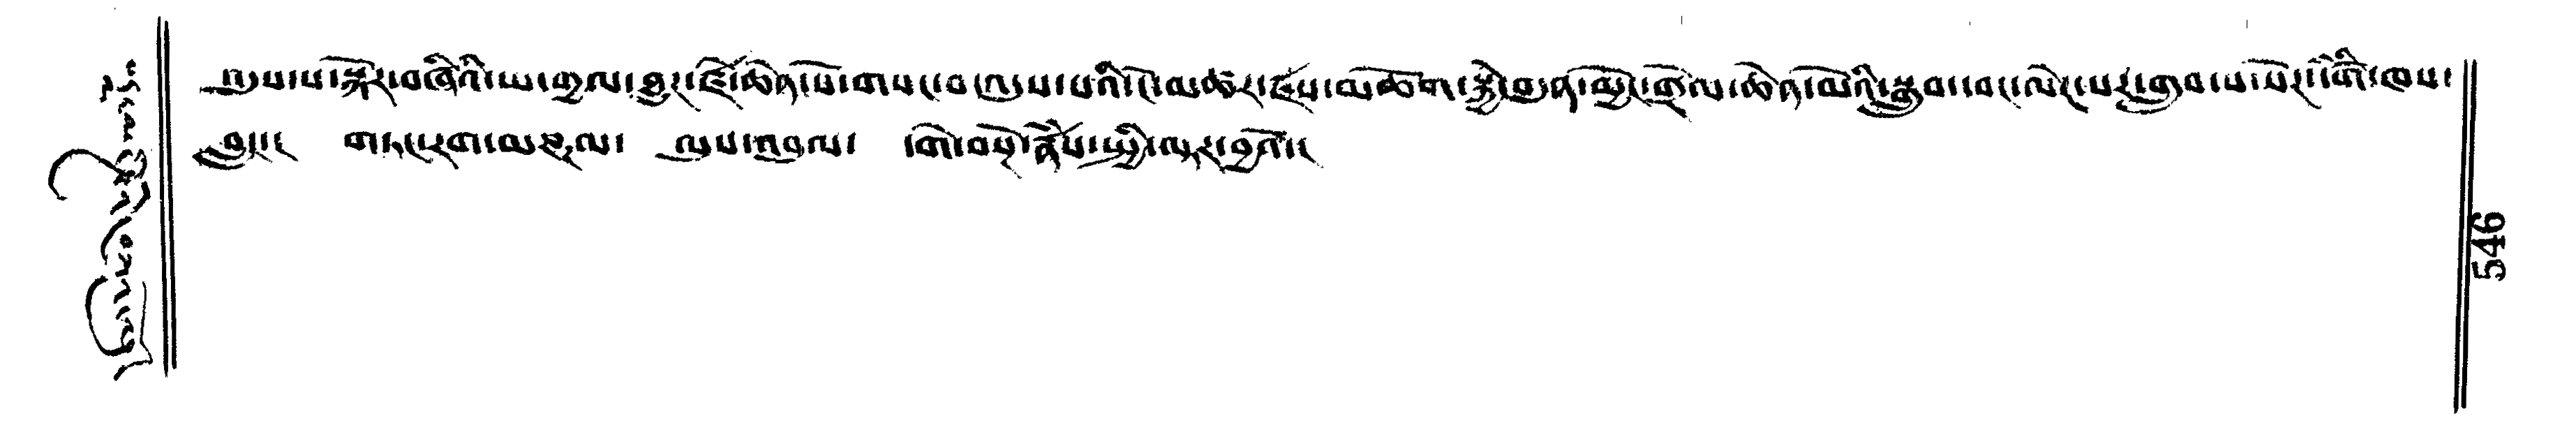འདུས་པ་སྐོར་བཞིའི་ཡ་གྱལ་ཐུགས་རྗེ་ཆེན་པོ་གསང་བ་འདུས་པའི་ངོ་མཚར་རྫས་མཆོག་སྐྱེ་བདུན་མྱོང་གྲོལ་ཆེན་མོའི་སྒྲུབ་དབང་ལེགས་པར་གྲུབ་པ་སོགས་དམ་ཚིག་ཁས་
བླང་གཏང་རག་མཎྜལ། ལུས་དབུལ། དགེ་བསྔོ་རྣམས་སྤྱི་ལྟར་བྱའོ།